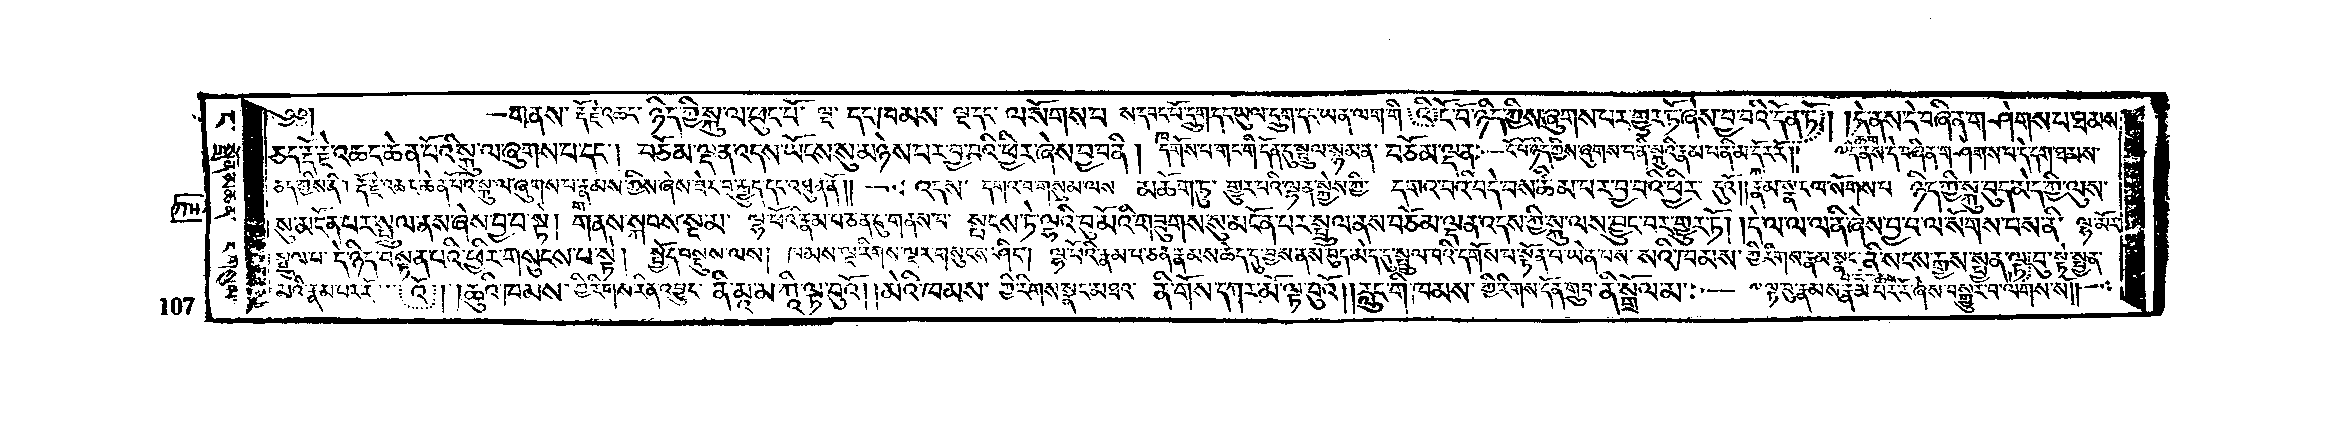༄༅། .H།གནས་རྡོ་རྗེ་འཆང་ཉིད་ཀྱི་སྐུ་ལ་ཕུང་པོ་ལྔ་དང་ཁམས་ལྔ་དང་ལ་སོགས་པས་དབང་པོ་དྲུག་དང་ཡུལ་དྲུག་དང་ཡན་ལག་གིའི་ངོ་བོ་ཉིད་ཀྱིས་ཞུགས་པར་གྱུར་ཏོ་ཞེས་བྱ་བའི་དོན་ཏོ། །དེ་ནས་དེ་བཞིན་གཤེགས་པ་ཐམས་
ཅད་རྡོ་རྗེ་འཆང་ཆེན་པོའི་སྐུ་ལ་ཞུགས་པ་དང་། བཅོམ་ལྡན་འདས་ཡོངས་སུ་མཉེས་པར་བྱ་བའི་ཕྱིར་ཞེས་བྱ་བ་ནི། ཁ་དགོས་པ་གང་གི་དོན་དུ་སྤྲུལ་སྙམ་ན་བཅོམ་ལྡནཿ་ངོ་བོ་ཉིད་ཀྱིས་ཞུགས་པ་ནི་སྐུའི་རྣམ་པ་ནི་མདོར་རོ།། ཆག་༧དེ་ནས་དེ་བཞིན་གཤེགས་པ་དེ་དག་ཐམས་
ཅད་ཀྱིས་ནི། རྡོ་རྗེ་འཆང་ཆེན་པོའི་སྐུ་ལ་ཞུགས་པ་རྣམས་ཀྱིས་ཞེས་ཟེར་བ་རྒྱུད་དང་འཐུན་ནོ།། .Hའདས་དགའ་བ་གསུམ་ལས་མཆོག་ཏུ་གྱུར་པའི་ལྷན་སྐྱེས་ཀྱི་དགའ་བའི་བདེ་བས་ཚིམ་པར་བྱ་བའི་ཕྱིར་དུའོ། །ཀ་རྣམ་སྣང་ལ་སོགས་པ་ཉིད་ཀྱི་སྐུ་བུད་མེད་ཀྱི་ལུས་
སུ་མངོན་པར་སྤྲུལ་ནས་ཞེས་བྱ་བ་སྟེ། ག་གནས་སྐབས་སྔ་མ་ལྷ་ཕོའི་རྣམ་པ་ཅན་དུ་གནས་པ་སྤངས་ཏེ་ལྷའི་བུ་མོའི་གཟུགས་སུ་མངོན་པར་སྤྲུལ་ནས་བཅོམ་ལྡན་འདས་ཀྱི་སྐུ་ལས་བྱུང་བར་གྱུར་ཏོ། །དེ་ལ་ལ་ལ་ནི་ཞེས་བྱ་བ་ལ་སོགས་པས་ནི་ལྷ་མོར་
སྤྲུལ་པ་དེ་ཉིད་བསྟན་པའི་ཕྱིར་གསུངས་པ་སྟེ། སྤྱོད་བསྡུས་ལས། ཁམས་ལྔ་རིགས་ལྔར་གསུངས་ཤིང་། ལྷ་ཕོའི་རྣམ་པ་ཅན་རྣམས་ཆེད་དུ་བྱས་ནས་བུད་མེད་དུ་སྤྲུལ་བའི་དགོས་པ་སྟོན་པ་ཡིན་པས་སའི་ཁམ་ཀྱི་རིགས་རྣམ་སྣང་ནི་སངས་རྒྱས་སྤྱན་ལྟ་བུ་སྟེ་སྤྱན
མའི་རྣམ་པར་རོ་འོ་། །ཆུའི་ཁམས་ཀྱི་རིགས་རིན་འབྱུང་ནི་མཱ་མ་ཀཱི་ལྟ་བུའོ། །མེའི་ཁམས་ཀྱི་རིགས་སྣང་མཐའ་ནི་གོས་དཀར་མོ་ལྟ་བུའོ། །རླུང་གི་ཁམས་ཀྱི་རིགས་དོན་གྲུབ་ནི་སྒྲོལ་མ་H.་༧་ལྟ་བུ་རྣམས་རྣམ་པར་རོ་ཞེས་བསྒྱུར་བ་ལེགས་སོ།།